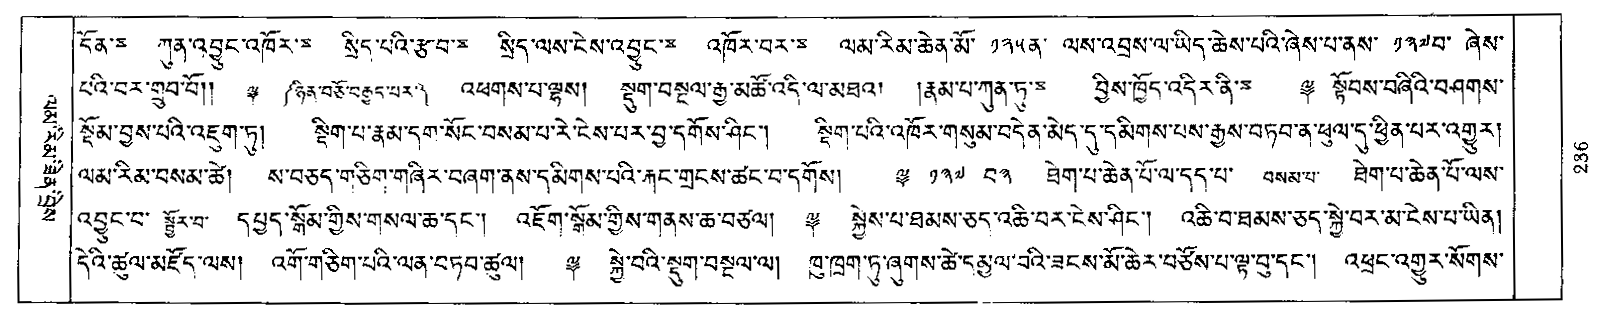དོན་྾་ཀུན་འབྱུང་འཁོར་྾་སྲིད་པའི་རྩ་བ་྾་སྲིད་ལས་ངེས་འབྱུང་྾་འཁོར་བར་྾་ལམ་རིམ་ཆེན་མོ ༡༢༥་ན་ལས་འབྲས་ལ་ཡིད་ཆེས་པའི་ཞེས་པ་ནས ༡༣༧་བ་ཞེས་
པའི་བར་གྲུབ་བོ།། ༈ ཉིན་བཅོ་བརྒྱད་པར྄་འཕགས་པ་ལྷས། སྡུག་བསྔལ་རྒྱ་མཚོ་འདི་ལ་མཐའ། །རྣམ་པ་ཀུན་ཏུ་྾་བྱིས་ཁྱོད་འདིར་ནི་྾་༈ སྟོབས་བཞིའི་བཤགས་
སྡོམ་བྱས་པའི་འཇུག་ཏུ། སྡིག་པ་རྣམ་དག་སོང་བསམ་པ་རེ་ངེས་པར་བྱ་དགོས་ཤིང་། སྡིག་པའི་འཁོར་གསུམ་བདེན་མེད་དུ་དམིགས་པས་རྒྱས་བཏབ་ན་ཕུལ་དུ་ཕྱིན་པར་འགྱུར།
ལམ་རིམ་བསམ་ཚེ། ས་བཅད་གཅིག་གཞིར་བཞག་ནས་དམིགས་པའི་རྐང་གྲངས་ཚང་བ་དགོས། ༈ ༡༣༧་བ ༣་ཐེག་པ་ཆེན་པོ་ལ་དད་པ་བསམ་པ་ཐེག་པ་ཆེན་པོ་ལས་
འབྱུང་བ་སྦྱོར་བ་དཔྱད་སྒོམ་གྱིས་གསལ་ཆ་དང་། འཇོག་སྒོམ་གྱིས་གནས་ཆ་བཙལ། ༈ སྐྱེས་པ་ཐམས་ཅད་འཆི་བར་ངེས་ཤིང་། འཆི་བ་ཐམས་ཅད་སྐྱེ་བར་མ་ངེས་པ་ཡིན།
དེའི་ཚུལ་མཛོད་ལས། འགོ་གཅིག་པའི་ལན་བཏབ་ཚུལ། ༈ སྐྱེ་བའི་སྡུག་བསྔལ་ལ། ཁུ་ཁྲག་ཏུ་ཞུགས་ཚེ་དམྱལ་བའི་ཟངས་མོ་ཆེར་བཙོས་པ་ལྟ་བུ་དང་། འཕྲང་འགྱུར་སོགས་